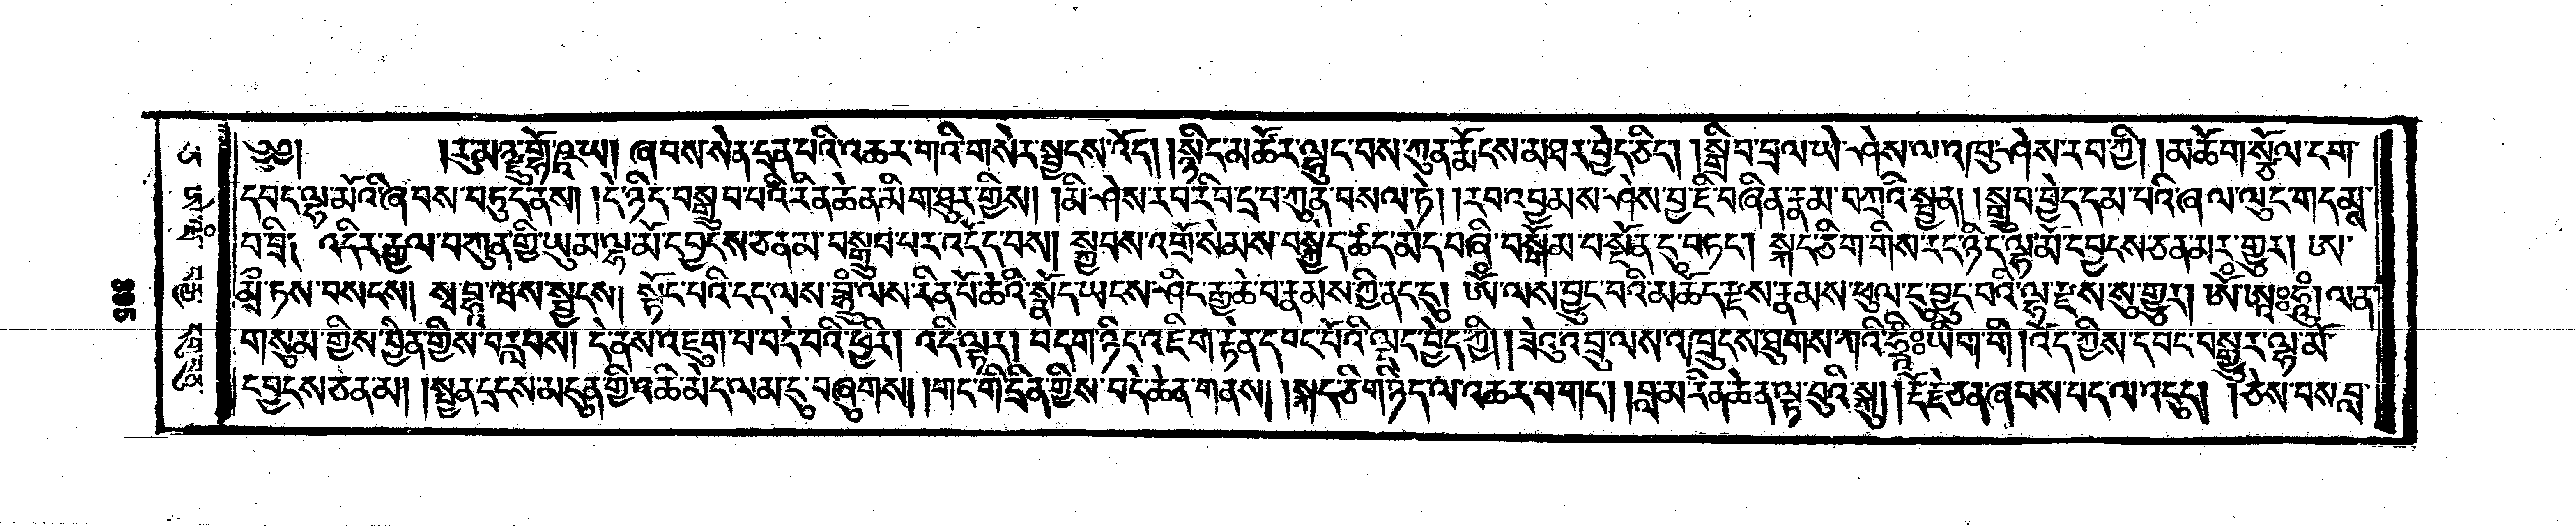༄༅། །རུ་མཉྫུ་གྷོ་ཥཱ་ཡ། ཞབས་སེན་དྲན་པའི་འཆར་གའི་གསེར་སྦྱངས་འོད། །སྙིང་མཚོར་ལྷུང་བས་ཀུན་རྨོངས་མཐར་བྱེད་ཅིང་། །སྒྲིབ་བྲལ་ཡེ་ཤེས་ལ་འཁུ་ཤེས་རབ་ཀྱི། །མཆོག་སྩོལ་ངག་
དབང་ལྷ་མོའི་ཞབས་བཏུད་ནས། །དེ་ཉིད་བསྒྲུབ་པའི་རིན་ཆེན་མིག་ཐུར་གྱིས། །མི་ཤེས་རབ་རིབ་དྲ་བ་ཀུན་བསལ་ཏེ། །རབ་འབྱམས་ཤེས་བྱ་ཇི་བཞིན་རྣམ་བཀྲའི་སྤྱན། །སྒྲུབ་བྱེད་དམ་པའི་ཞལ་ལུང་གདམས་
པ་བྲི། འདིར་རྒྱལ་བ་ཀུན་གྱི་ཡུམ་ལྷ་མོ་དབྱངས་ཅན་མ་བསྒྲུབ་པར་འདོད་པས། སྐྱབས་འགྲོ་སེམས་བསྐྱེད་ཚད་མེད་བཞི་བསྒོམ་པ་སྔོན་དུ་བཏང་། སྐད་ཅིག་གིས་རང་ཉིད་ལྷ་མོ་དབྱངས་ཅན་མར་གྱུར། ཨ་
མྲྀ་ཏས་བསངས། སྭ་བྷཱ་ཝས་སྦྱངས། སྟོང་པའི་ངང་ལས་བྷྲུཾ་ལས་རིན་པོ་ཆེའི་སྣོད་ཡངས་ཤིང་རྒྱ་ཆེ་བ་རྣམས་ཀྱི་ནང་དུ། ཨོཾ་ལས་བྱུང་བའི་མཆོད་རྫས་རྣམས་ཕུལ་དུ་བྱུང་བའི་ལྷ་རྫས་སུ་གྱུར། ཨོཾ་ཨཱཿ ཧཱུཾ། ལན་
གསུམ་གྱིས་བྱིན་གྱིས་བརླབས། དེ་ནས་འཇུག་པ་བདེ་བའི་ཕྱིར། འདི་ལྟར། བདག་ཉིད་འཇིག་རྟེན་དབང་པོའི་ལྡང་བྱེད་ཀྱི། །ཟེའུ་འབྲུ་ལས་འཁྲུངས་ཐུགས་ཀའི་ཧྲཱིཾཿ ཡིག་གི །འོད་ཀྱིས་དབང་བསྒྱུར་ལྷ་མོ་
དབྱངས་ཅན་མ། །སྤྱན་དྲངས་མདུན་གྱི་འཆི་མེད་ལམ་དུ་བཞུགས། །གང་གི་དྲིན་གྱིས་བདེ་ཆེན་གནས། །སྐད་ཅིག་ཉིད་ལ་འཆར་བ་གང་། །བླ་མ་རིན་ཆེན་ལྟ་བུའི་སྐུ། །རྡོ་རྗེ་ཅན་ཞབས་པད་ལ་འདུད། །ཅེས་པས་བླ་